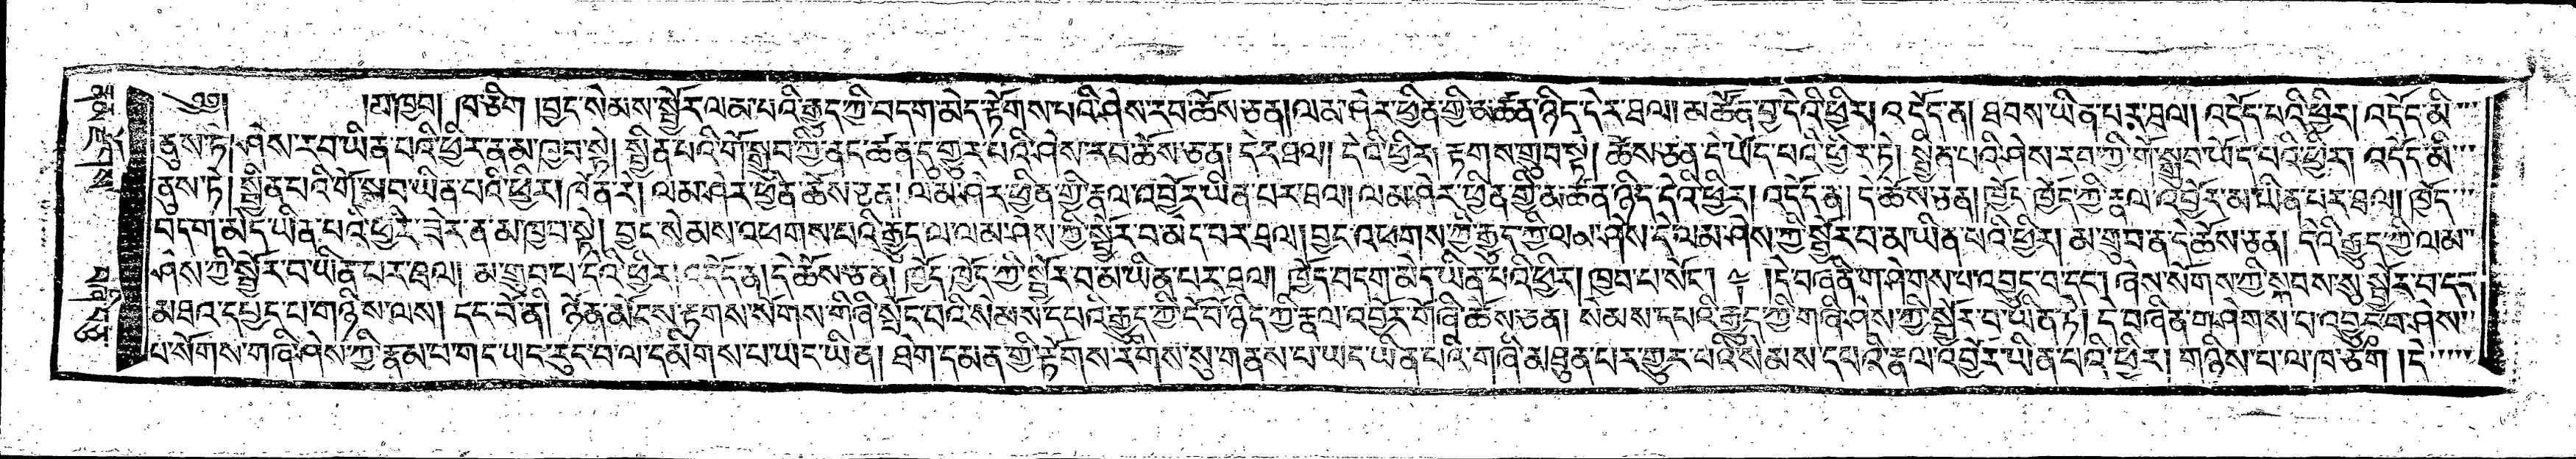༄༅། །མ་ཁྱབ། ཁ་ཅིག །བྱང་སེམས་སྦྱོར་ལམ་པའི་རྒྱུད་ཀྱི་བདག་མེད་རྟོགས་པའི་ཤེས་རབ་ཆོས་ཅན། ལམ་ཤེར་ཕྱིན་གྱི་མཚན་ཉིད་དེར་ཐལ། མཚོན་བྱ་དེའི་ཕྱིར། འདོད་ན། ཐབས་ཡིན་པར་ཐལ། འདོད་པའི་ཕྱིར། འདོད་མི་
ནུས་ཏེ། ཤེས་རབ་ཡིན་པའི་ཕྱིར་ན་མ་ཁྱབ་སྟེ། སྦྱིན་པའི་གོ་སྒྲུབ་ཀྱི་ནང་ཚན་དུ་གྱུར་པའི་ཤེས་རབ་ཆོས་ཅན། དེར་ཐལ། དེའི་ཕྱིར། རྟགས་གྲུབ་སྟེ། ཆོས་ཅན་དེ་ཡོད་པའི་ཕྱིར་ཏེ། སྦྱིན་པའི་ཤེས་རབ་ཀྱི་གོ་སྒྲུབ་ཡོད་པའི་ཕྱིར། འདོད་མི་
ནུས་ཏེ། སྦྱིན་པའི་གོ་སྒྲུབ་ཡིན་པའི་ཕྱིར། ཁོ་ན་རེ། ལམ་ཤེར་ཕྱིན་ཆོས་ཅན། ལམ་ཤེར་ཕྱིན་གྱི་རྣལ་འབྱོར་ཡིན་པར་ཐལ། ལམ་ཤེར་ཕྱིན་གྱི་མཚན་ཉིད་དེའི་ཕྱིར། འདོད་ན། དེ་ཆོས་ཅན། ཁྱོད་ཁྱོད་ཀྱི་རྣལ་འབྱོར་མ་ཡིན་པར་ཐལ། ཁྱོད་
བདག་མེད་ཡིན་པའི་ཕྱིར་ཟེར་ན་མ་ཁྱབ་སྟེ། བྱང་སེམས་འཕགས་པའི་རྒྱུད་ལ་ལམ་ཤེས་ཀྱི་སྦྱོར་བ་མེད་པར་ཐལ། བྱང་འཕགས་ཀྱི་རྒྱུད་ཀྱི་ལམ་ཤེས་དེ་ལམ་ཤེས་ཀྱི་སྦྱོར་བ་མ་ཡིན་པའི་ཕྱིར། མ་གྲུབ་ན་དེ་ཆོས་ཅན། དེའི་རྒྱུད་ཀྱི་ལམ་
ཤེས་ཀྱི་སྦྱོར་བ་ཡིན་པར་ཐལ། མ་གྲུབ་པ་དེའི་ཕྱིར། འདོད་ན། དེ་ཆོས་ཅན། ཁྱོད་ཁྱོད་ཀྱི་སྦྱོར་བ་མ་ཡིན་པར་ཐལ། ཁྱོད་བདག་མེད་ཡིན་པའི་ཕྱིར། ཁྱབ་པ་སོང་། ༈ །དེ་བཞིན་གཤེགས་པ་འབྱུང་བ་དང་། ཞེས་སོགས་ཀྱི་སྐབས་སུ་སྦྱོར་བ་དང་
མཐའ་དཔྱད་པ་གཉིས་ལས། དང་པོ་ནི། ཉོན་མོངས་རྟགས་སོགས་བཞི་སྤོང་བའི་སེམས་དཔའི་རྒྱུད་ཀྱི་ངོ་བོ་ཉིད་ཀྱི་རྣལ་འབྱོར་བཞི་ཆོས་ཅན། སེམས་དཔའི་རྒྱུད་ཀྱི་གཞི་ཤེས་ཀྱི་སྦྱོར་བ་ཡིན་ཏེ། དེ་བཞིན་གཤེགས་པ་འབྱུང་བ་ཤེས་
པ་སོགས་གཞི་ཤེས་ཀྱི་རྣམ་པ་གང་ཡང་རུང་བ་ལ་དམིགས་པ་ཡང་ཡིན། ཐེག་དམན་གྱི་རྟོགས་རིགས་སུ་གནས་པ་ཡང་ཡིན་པའི་གཞི་མཐུན་པར་གྱུར་པའི་སེམས་དཔའི་རྣལ་འབྱོར་ཡིན་པའི་ཕྱིར། གཉིས་པ་ལ་ཁ་ཅིག །དེ་